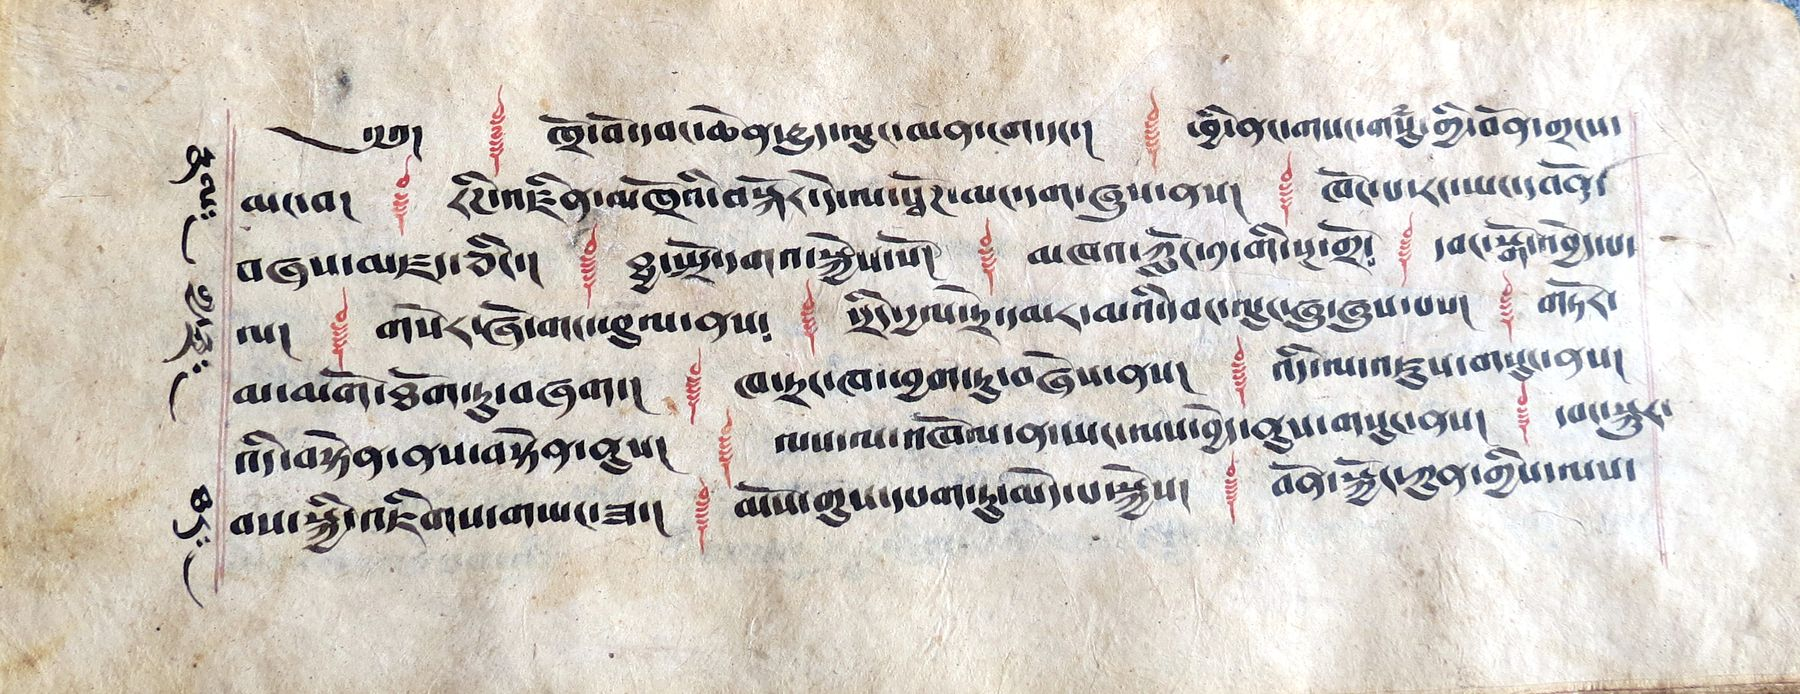ཁྲོ་བོ་དབང་ཆེན་རྒྱུད་ལུང་མན་ངག་དང་ཕྱི་ནང་གསུང་གསུམ་གྱི་བོན་གྲངས་
མང་པ། རིག་འཛིན་མཁའ་འགྲོའི་སྐོར། དེ་ལས་སོགས་མང་དག་ཞུས་ནས། ཁོང་པ་རང་ཡང་བོན་
བཤད་མཛད་ཅིང་། ཐུགས་སྤྲོ་དགའ་སྐྱེས་སོ། ། མཁའ་ཀློང་ཞིག་གི་སྔ་གྲོ། དབང་སྒོ་འབྱེད་པ་
ལ་གསེར་ཞོ་གང་ཕུལ་ནས། སྲིད་རྒྱལ་དྲེལ་དམར་མའི་དབང་ལུང་ཞུ་ཞུས་པས། གཏོར་
མ་མགོ་ཐོག་ཏུ་བཞག ཁ་ཏྲང་ཁ་ཕྱག་ཏུ་བཞེས་ནས། འདི་ལ་འཇུས་གསུངས་ནས། 
འདི་བསྟེན་ན་ཡང་བསྟེན་ནུས། ལས་ལ་འཁོལ་ན་ཡང་ལས་བྱེད་ནུས་གསུངས། དབང་བསྐུར་
བས་སྐྱི་འཇིགས་གཡང་ཟ། མོས་གུས་དཔག་ཏུ་མེད་པ་སྐྱེས། བོན་སྐྱོང་ཀུན་གྱིས་ལས་